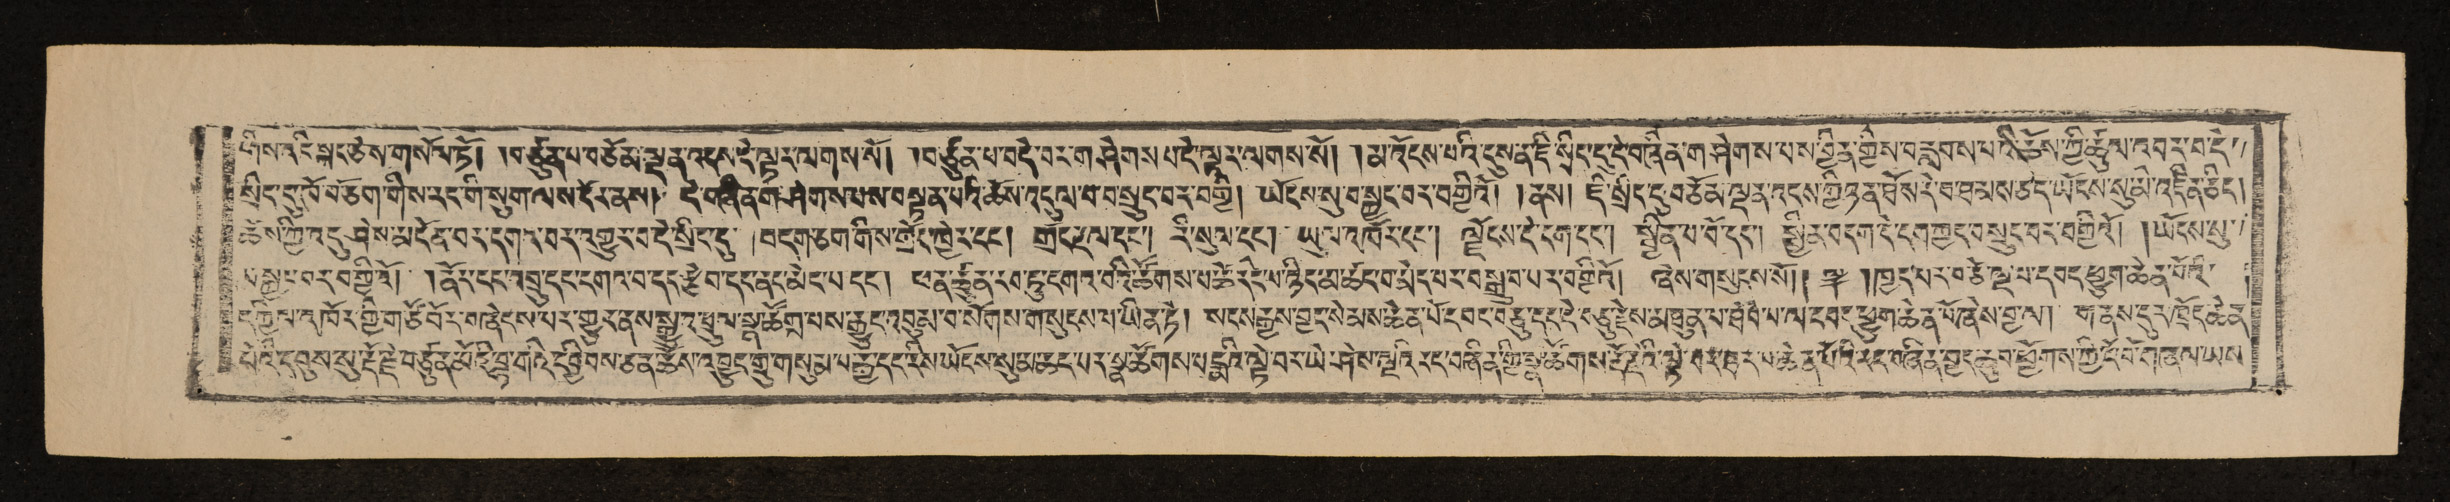གིས་འདི་སྐད་ཅེས་གསོལ་ཏོ། །བཙུན་བ་བཅོམ་ལྡན་འདས་དེ་ལྟར་ལགས་སོ། །བཙུན་པ་བདེ་བར་གཤེགས་པ་དེ་ལྟར་ལགས་སོ། །མ་འོངས་པའི་དུས་ན་ཇི་སྲིད་དུ་དེ་བཞིན་གཤེགས་པས་བྱིན་གྱིས་བརླབས་པའི་ཆོས་ཀྱི་ཚུལ་འབར་བདེ་
སྲིད་དུ་ཁོ་བོ་ཅག་གིས་རང་གི་སུག་ལས་དོར་ནས། དེ་བཞིན་གཤེགས་པས་བསྟན་པའི་ཆོས་འདུལ་བར་བསྲུང་བར་བགྱི། ཡོངས་སུ་བསྐྱང་བར་བགྱིའོ། །ནས། ཇི་སྲིད་དུ་བཅོམ་ལྡན་འདས་ཀྱི་ཉན་ཐོས་རེ་བ་ཐམས་ཅད་ཡོངས་སུ་མི་འཛིན་ཅིང་།
ཆོས་ཀྱི་འདུ་ཤེས་མངོན་པར་དགའ་བར་འགྱུར་བ་དེ་སྲིད་དུ། བདག་ཅག་གིས་གྲོང་ཁྱེར་དང་། གྲོང་རྡལ་དང་། རི་སུལ་དང་། ཡུལ་འཁོར་དང་། ལྗོངས་དེ་དག་དང་། སྦྱིན་པ་པོ་དང་། སྦྱིན་བདག་དེ་དག་ཀྱང་བསྲུང་བར་བགྱིའོ། །ཡོངས་སུ་
བསྐྱང་བར་བགྱིའོ། །ནོར་དང་འབྲུ་དང་དགའ་བ་དང་རྩེ་བ་དང་ནད་མེད་པ་དང་། ཕན་ཚུན་རབ་ཏུ་དགའ་བའི་ཚོགས་པ་ཚེ་རིང་བ་ཉིད་མཚང་བ་མེད་པར་བསྒྲུབ་པར་བགྱིའོ། །ཞེས་གསུངས་སོ། ༈ །ཁྱད་པར་བཅོ་ལྔ་པ་དབང་ཕྱུག་ཆེན་པོའི་
དཀྱིལ་འཁོར་གྱི་གཙོ་བོར་བཞེངས་པར་གྱུར་ནས་སྒྱུ་འཕྲུལ་སྣ་ཚོགས་པས་རྒྱུད་འབུམ་པ་སོགས་གསུངས་པ་ཡིན་ཏེ། སངས་རྒྱས་བྱང་སེམས་ཆེན་པོ་དབང་བཅུ་དང་དེ་བཅུ་རྗེས་མཐུན་པ་ཐོབ་པ་ལ་དབང་ཕྱུག་ཆེན་པོ་ཞེས་བྱ་ལ། གནས་དུར་ཁྲོད་ཆེན་
པོའི་དབུས་སུ་རྡོ་རྗེ་བཙུན་མོའི་བྷ་གའི་དབྱིབས་ཅན་ཆོས་འབྱུང་ཅུ་གསུམ་བརྒྱ་དང་རིས་ཡོངས་སུ་མཆད་པར་སྣ་ཚོགས་པདམའི་ལྟེ་བར་ཡེ་ཤེས་ལྔའི་རང་བཞིན་གྱི་སྣ་ཚོགས་རྡོ་རྗེའི་ལྟེ་བར་ཐར་པ་ཆེན་པོའི་རང་བཞིན་བྱང་ཆུབ་ཕྱོགས་ཀྱི་ངོ་བོ་གཞལ་ཡས་